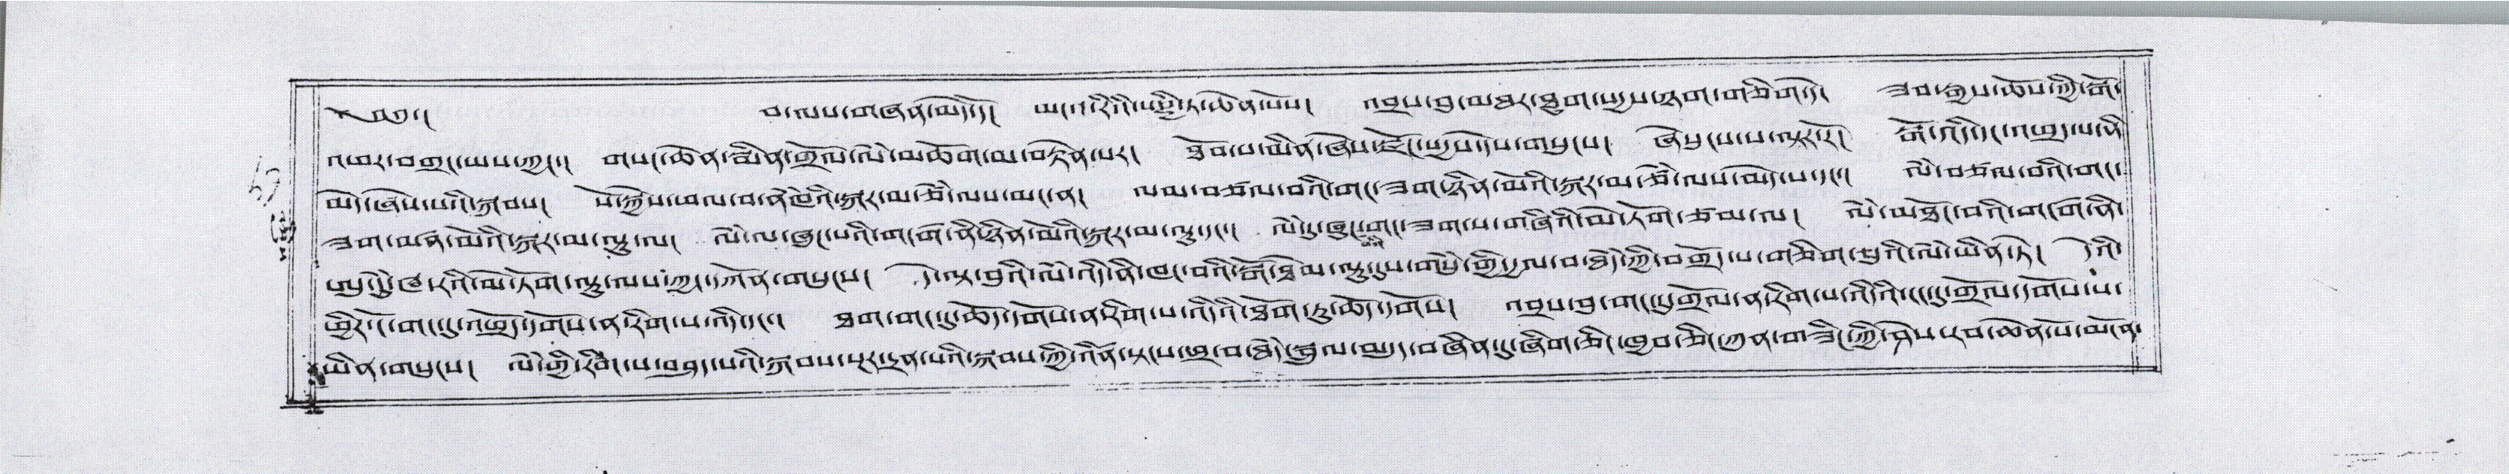བ་ལས་གཞན་མེད་དོ། མངའ་རིས་པཎྚི་ཏ་ཆེན་པོས། འབྲས་བུ་མཐར་ཐུག་སངས་རྒྱས་ཉག་གཅིག་དེ། ཟབ་རྒྱས་ཆོས་ཀྱི་སྒོ་
འཕར་བགྲང་ཡས་ཀྱང་། གསང་ཆེན་སྨིན་གྲོལ་ལམ་མཆོག་མ་བསྟེན་པར། ཐོབ་པ་མིན་ཞེས་རྫོགས་སངས་རྒྱས་དེས་གསུངས། ཞེས་གསུངས་པ་ལྟར་རོ། སྒོ་འདི་དང་འཕྲད་པ་ནི་
མེད་ཅེས་པའི་སྐབས། སོ་སྐྱེ་ཕལ་པ་ནམ་མཁའི་སྐར་མ་ཙམ་ལས་མང་ན། ལམ་བཙལ་བའི་གང་ཟག་ཉིན་མོའི་སྐར་མ་ཙམ་ལས་མེད་པ་དང་། ལམ་བཙལ་བའི་གང་
ཟག་མཚན་མོའི་སྐར་མ་ལྟ་བུ་ལ། ལམ་ལ་ཞུགས་པའི་གང་ཟག་ནི་ཉིན་མོའི་སྐར་མ་ལྟ་བུ་དང་། ལམ་དུ་ཞུགས་པའི་གང་ཟག་ས་གཞིའི་མེ་ཏོག་ཙམ་ལ། ལམ་མཐོང་བའི་གང་ཟག་ནི་
ཨུ་དུམ་ཝ་རའི་མེ་ཏོག་ལས་ཀྱང་དཀོན་གསུངས། དེ་ལྟ་བུའི་ལམ་འདི་ནི་ཁང་པའི་སྒོ་ཐེམ་ལྟ་བུ་དུས་གསུམ་གྱི་རྒྱལ་བ་ཐམས་ཅད་ཀྱི་བགྲོད་པ་གཅིག་པའི་ལམ་ཡིན་ཏེ། དེའི་
ཕྱིར་ངོ་གང་དུ་འཕྲོད་དགོས་ན་རིག་པ་འདི་དང་། ཐག་གང་དུ་ཆོད་དགོས་ན་རིག་པ་འདིའི་ཐོག་ཏུ་ཆོད་དགོས། འབྲས་བུ་གང་དུ་གྲོལ་དགོས་ན་རིག་པ་འདིའི་ངང་དུ་གྲོལ་དགོས་པ་
ཡིན་གསུངས། ལམ་གྱི་རིག་ལ་བཤད་པའི་སྐབས་སྔར་དྲན་པའི་སྐབས་ཀྱི་འཛིན་སྟངས་ཕྲ་བ་ཐམས་ཅད་སྦྲུལ་མདུད་བཞིོན་དུ་ཞིག་ཅིང་ཁྱབ་ཅིང་ཀུན་གཟིགས་ཀྱི་ཤེས་རབ་ཆེན་པོ་མངོན